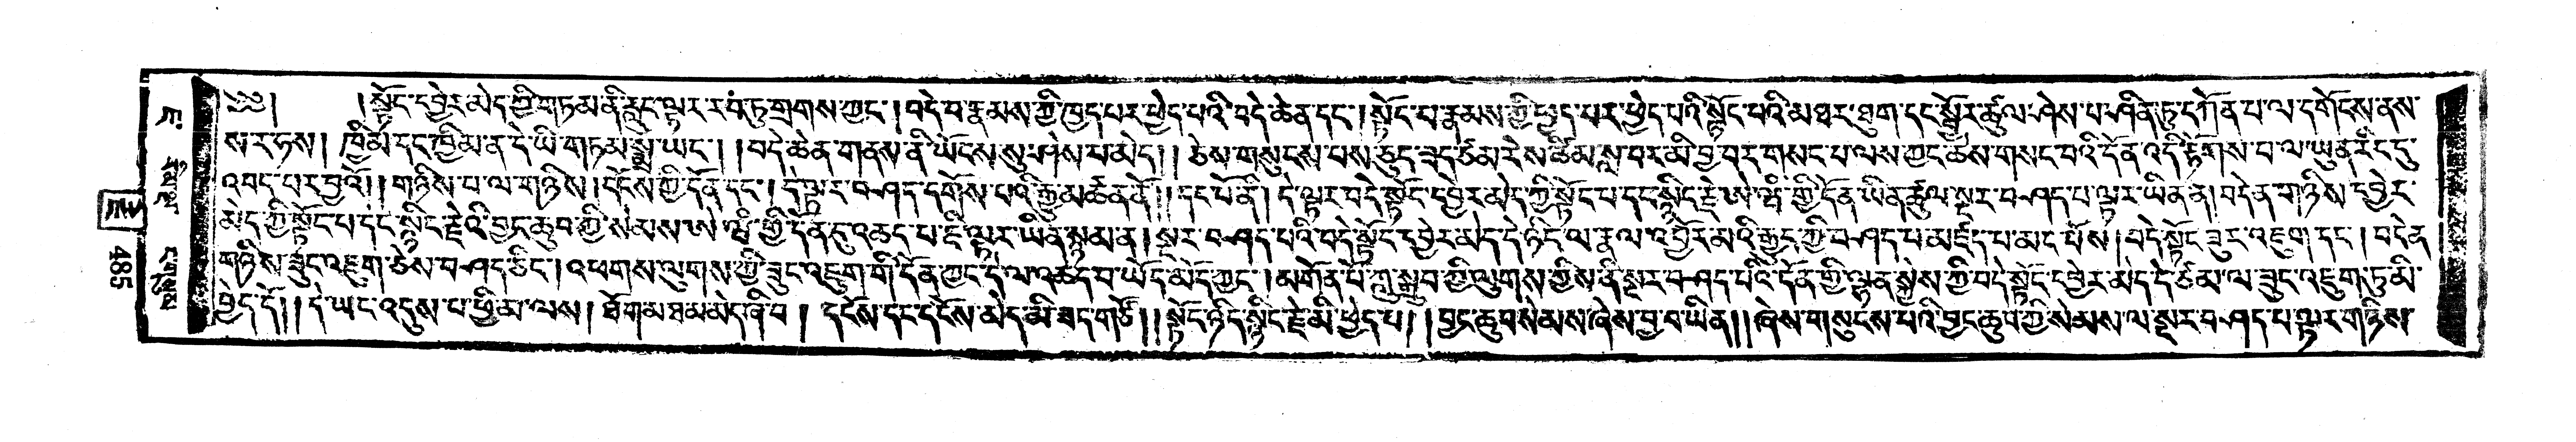༄༅། །སྟོང་དབྱེར་མེད་ཀྱི་གཏམ་ནི་རླུང་ལྟར་རབ་ཏུ་གྲགས་ཀྱང་། བདེ་བ་རྣམས་ཀྱི་ཁྱད་པར་ཕྱེད་པའི་བདེ་ཆེན་དང་། སྟོང་པ་རྣམས་ཀྱི་ཁྱད་པར་ཕྱེད་པའི་སྟོང་པའི་མཐར་ཐུག་དང་སྦྱོར་ཚུལ་ཤེས་པ་ཤིན་ཏུ་དཀོན་པ་ལ་དགོངས་ནས་
ས་ར་ཧས། ཁྱིམ་དང་ཁྱིམ་ན་དེ་ཡི་གཏམ་སྨྲ་ཡང་། །བདེ་ཆེན་གནས་ནི་ཡོངས་སུ་ཤེས་པ་མེད། །ཅེས་གསུངས་པས་ཅུང་ཟད་ཙམ་རེས་ཚིམ་སླ་བར་མི་བྱ་བར་གསང་བ་ལས་ཀྱང་ཆེས་གསང་བའི་དོན་འདི་རྟོགས་པ་ལ་ཡུན་རིང་དུ་
འབད་པར་བྱའོ། །གཉིས་པ་ལ་གཉིས། དངོས་ཀྱི་དོན་དང་། དེ་ལྟར་བཤད་དགོས་པའི་རྒྱུ་མཚན་ནོ། །དང་པོ་ནི། དེ་ལྟར་བདེ་སྟོང་དབྱེར་མེད་ཀྱི་སྟོང་པ་དང་སྙིང་རྗེ་ཨེ་ཝཾ་གྱི་དོན་ཡིན་ཚུལ་སྔར་བཤད་པ་ལྟར་ཡིན་ན། བདེན་གཉིས་དབྱེར་
མེད་ཀྱི་སྟོང་པ་དང་སྙིང་རྗེའི་བྱང་ཆུབ་ཀྱི་སེམས་ཨེ་ཝཾ་གྱི་དོན་དུ་འཆད་པ་ཇི་ལྟར་ཡིན་སྙམ་ན། སྔར་བཤད་པའི་བདེ་སྟོང་དབྱེར་མེད་དེ་ཉིད་ལ་རྣལ་འབྱོར་མའི་རྒྱུད་ཀྱི་བཤད་པ་མཛད་པ་མང་པོས། བདེ་སྟོང་ཟུང་འཇུག་དང་། བདེན་
གཉིས་ཟུང་འཇུག་ཅེས་བཤད་ཅིང་། འཕགས་ལུགས་ཀྱི་ཟུང་འཇུག་གི་དོན་ཀྱང་དེ་ལ་འཆད་པ་ཡོད་མོད་ཀྱང་། མགོན་པོ་ཀླུ་སྒྲུབ་ཀྱི་ལུགས་ཀྱིས་ནི་སྔར་བཤད་པའི་དོན་གྱི་ལྷན་སྐྱེས་ཀྱི་བདེ་སྟོང་དབྱེར་མེད་དེ་ཙམ་ལ་ཟུང་འཇུག་ཏུ་མི་
བྱེད་དོ། །དེ་ཡང་འདུས་པ་ཕྱི་མ་ལས། ཐོག་མ་ཐ་མ་མེད་ཞི་བ། དངོས་དང་དངོས་མེད་མི་ཟད་གཙོ། །སྟོང་ཉིད་སྙིང་རྗེ་མི་ཕྱེད་པ། །བྱང་ཆུབ་སེམས་ཞེས་བྱ་བ་ཡིན། །ཞེས་གསུངས་པའི་བྱང་ཆུབ་ཀྱི་སེམས་ལ་སྔར་བཤད་པ་ལྟར་གཉིས་